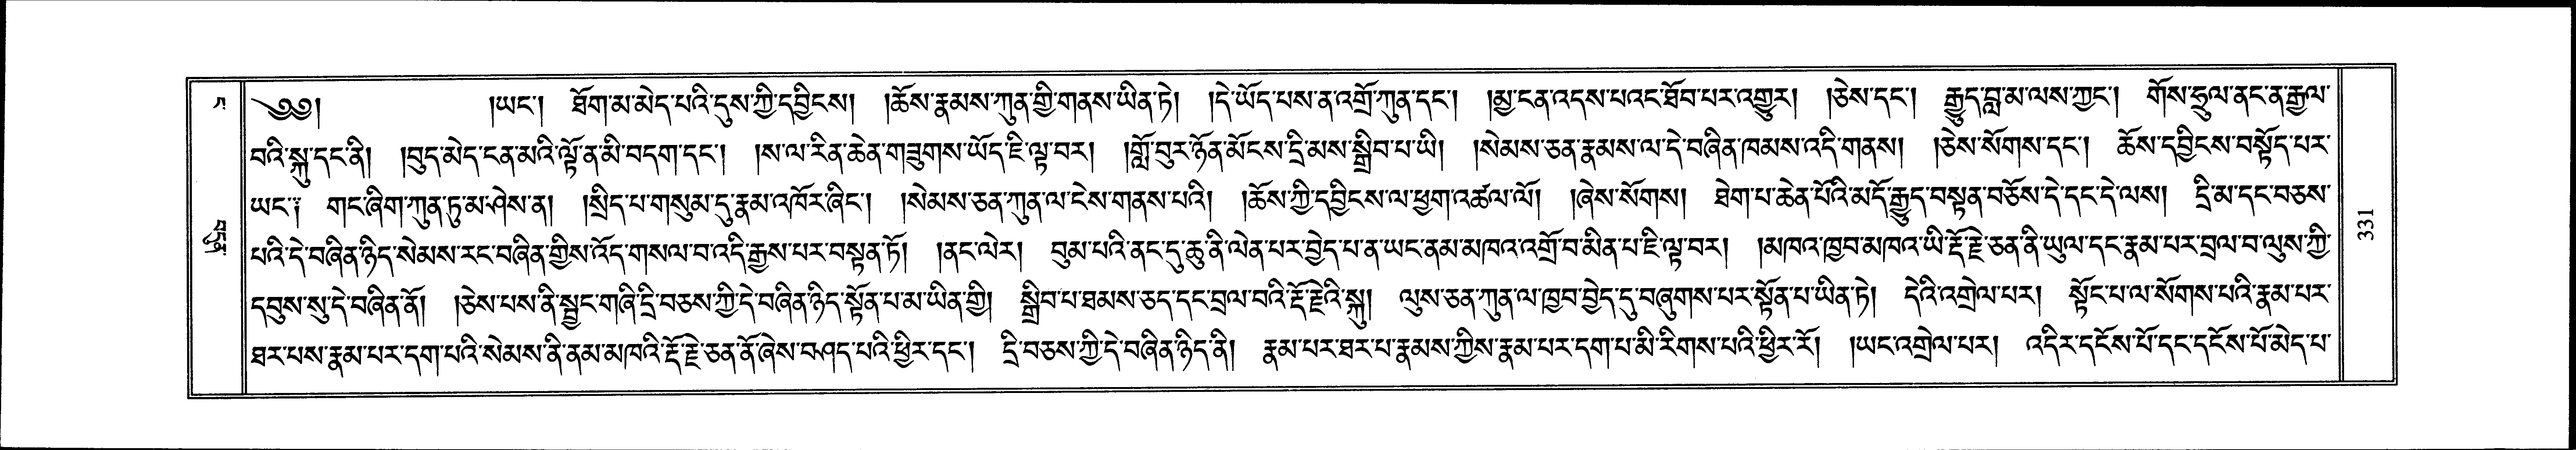༄༅། །ཡང་། ཐོག་མ་མེད་པའི་དུས་ཀྱི་དབྱིངས། །ཆོས་རྣམས་ཀུན་གྱི་གནས་ཡིན་ཏེ། །དེ་ཡོད་པས་ན་འགྲོ་ཀུན་དང་། །མྱ་ངན་འདས་པའང་ཐོབ་པར་འགྱུར། །ཅེས་དང་། རྒྱུད་བླ་མ་ལས་ཀྱང་། གོས་ཧྲུལ་ནང་ན་རྒྱལ་
བའི་སྐུ་དང་ནི། །བུད་མེད་ངན་མའི་ལྟོ་ན་མི་བདག་དང་། །ས་ལ་རིན་ཆེན་གཟུགས་ཡོད་ཇི་ལྟ་བར། །གློ་བུར་ཉོན་མོངས་དྲི་མས་སྒྲིབ་པ་ཡི། །སེམས་ཅན་རྣམས་ལ་དེ་བཞིན་ཁམས་འདི་གནས། །ཅེས་སོགས་དང་། ཆོས་དབྱིངས་བསྟོད་པར་
ཡང་། གང་ཞིག་ཀུན་ཏུ་མ་ཤེས་ན། །སྲིད་པ་གསུམ་དུ་རྣམ་འཁོར་ཞིང་། །སེམས་ཅན་ཀུན་ལ་ངེས་གནས་པའི། །ཆོས་ཀྱི་དབྱིངས་ལ་ཕྱག་འཚལ་ལོ། །ཞེས་སོགས། ཐེག་པ་ཆེན་པོའི་མདོ་རྒྱུད་བསྟན་བཅོས་དེ་དང་དེ་ལས། དྲི་མ་དང་བཅས་
པའི་དེ་བཞིན་ཉིད་སེམས་རང་བཞིན་གྱིས་འོད་གསལ་བ་འདི་རྒྱས་པར་བསྟན་ཏོ། །ནང་ལེར། བུམ་པའི་ནང་དུ་ཆུ་ནི་ལེན་པར་བྱེད་པ་ན་ཡང་ནམ་མཁའ་འགྲོ་བ་མིན་པ་ཇི་ལྟ་བར། །མཁའ་ཁྱབ་མཁའ་ཡི་རྡོ་རྗེ་ཅན་ནི་ཡུལ་དང་རྣམ་པར་བྲལ་བ་ལུས་ཀྱི་
དབུས་སུ་དེ་བཞིན་ནོ། །ཅེས་པས་ནི་སྦྱང་གཞི་དྲི་བཅས་ཀྱི་དེ་བཞིན་ཉིད་སྟོན་པ་མ་ཡིན་གྱི། སྒྲིབ་པ་ཐམས་ཅད་དང་བྲལ་བའི་རྡོ་རྗེའི་སྐུ། ལུས་ཅན་ཀུན་ལ་ཁྱབ་བྱེད་དུ་བཞུགས་པར་སྟོན་པ་ཡིན་ཏེ། དེའི་འགྲེལ་པར། སྟོང་པ་ལ་སོགས་པའི་རྣམ་པར་
ཐར་པས་རྣམ་པར་དག་པའི་སེམས་ནི་ནམ་མཁའི་རྡོ་རྗེ་ཅན་ནོ་ཞེས་བཤད་པའི་ཕྱིར་དང་། དྲི་བཅས་ཀྱི་དེ་བཞིན་ཉིད་ནི། རྣམ་པར་ཐར་པ་རྣམས་ཀྱིས་རྣམ་པར་དག་པ་མི་རིགས་པའི་ཕྱིར་རོ། །ཡང་འགྲེལ་པར། འདིར་དངོས་པོ་དང་དངོས་པོ་མེད་པ་